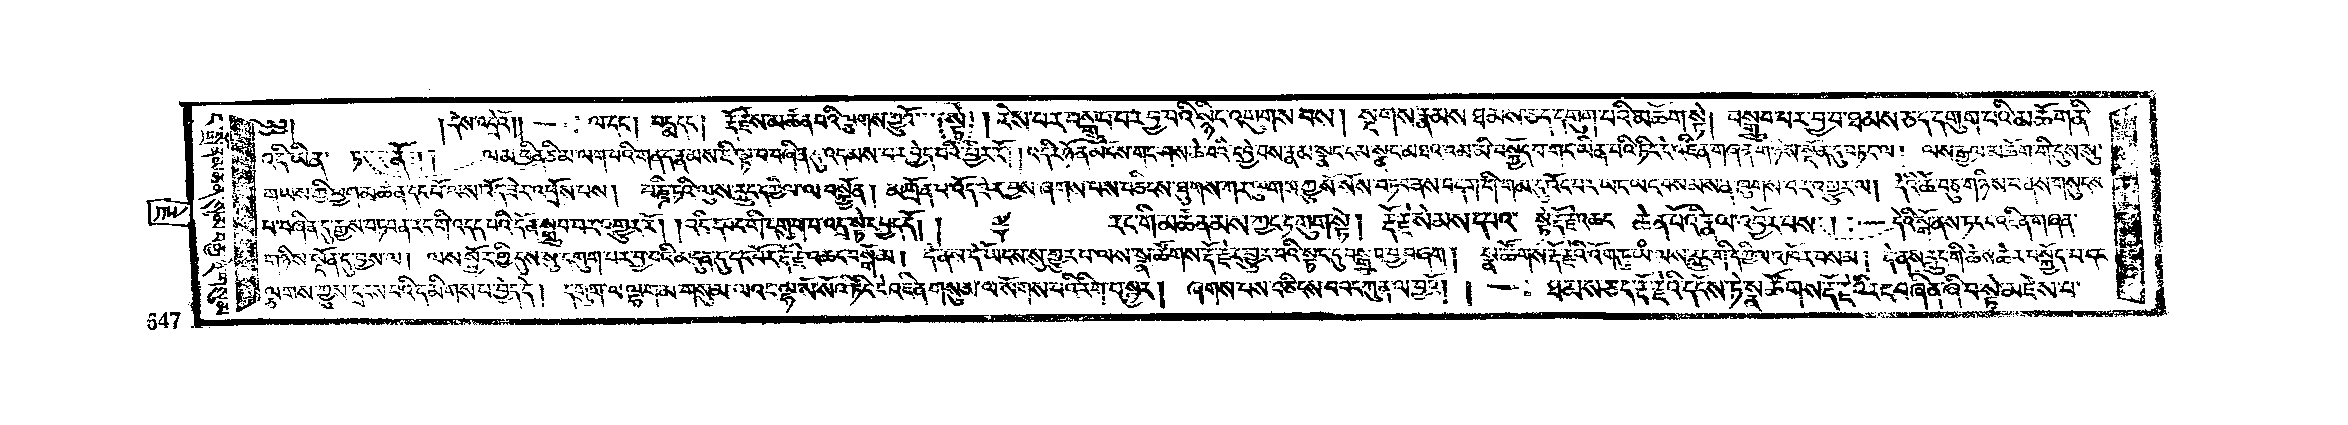༄༅། །དེས་འདྲེའོ།། .H པོ་དང་། པདམ་དང་། རྡོ་རྗེས་མཚན་པའི་ལྕགས་ཀྱུའོ་སྟེ། ངེས་པར་བསྒྲུབ་པར་བྱ་བའི་སྙིང་འགུགས་པས། སྔགས་རྣམས་ཐམས་ཅད་དགུག་པའི་མཆོག་སྟེ། བསྒྲུབ་པར་བྱ་བ་ཐམས་ཅད་དགུག་པའི་མཆོག་ནི་
འདི་ཡིན་ཏ་ནོ། །ལམ་ཕྱིན་ཅི་མ་ལོག་པའི་གནད་རྣམས་ཇི་ལྟ་བ་བཞིན་དུ་འདམས་པར་བྱེད་པའི་ཕྱིར་རོ། །འདིར་ཉོན་མོངས་གང་ཤས་ཆེ་བའི་དབྱེ་བས་རྣམ་སྣང་ངམ་སྣང་མཐའ་འམ་མི་བསྤྱོད་པ་གང་ཡིན་པའི་ཏིང་ངེ་འཛིན་གཞན་གཉིས་སྔོན་དུ་བཏང་ལ། ལས་རྒྱལ་མཆོག་གི་དུས་སུ་
གཡས་ཀྱི་ཕྱག་མཚན་དང་པོ་ལས་འོད་ཟེར་འཕྲས་པས། པཎྜི་ཏའི་ལུས་རླུང་དཀྱིལ་ལ་བསྐྱོན། མགྲིན་པ་འོད་ཟེར་ཀྱིས་ཞགས་པས་བཅིངས་ཐུགས་ཀར་ལྕགས་ཀྱུ་སོ་སོས་བཏབ་ནས་བདག་གི་གམ་དུ་འོང་བར་ཡང་ཡང་བསམས་ན་ཁུགས་པར་འགྱུར་ལ། དེའི་ཚེ་བཅུ་གཉིས་པ་ནས་གསུངས་
པ་བཞིན་དུ་རྒྱས་བཏབ་ན་རང་གི་འདོད་པའི་དོན་སྒྲུབ་པར་འགྱུར་རོ། །འདི་དབང་གི་དགུག་པ་འདྲ་སྟེ་དཔྱད་དོ།། ༈ རང་གི་མཚན་མས་ཀྱང་དགུག་སྟེ། རྡོ་རྗེ་སེམས་དཔའ་སྟེ་རྡོ་རྗེ་འཆང་ཆེན་པོའི་རྣལ་འབྱོར་པས། H.་དེའི་སྒོ་ནས་ཏིང་ངེ་འཛིན་གཞན་
གཉིས་སྔོན་དུ་བྱས་ལ། ལས་སྦྱོར་གྱི་དུས་སུ་དགུག་པར་བྱ་བའི་མདུན་དུ་དང་པོར་རྡོ་རྗེ་འཆང་བསྒོམ། དེ་ནས་དེ་ཡོངས་སུ་གྱུར་པ་ལས་སྣ་ཚོགས་རྡོ་རྗེ་འགྱུར་བའི་སྟེང་དུ་བསྒྲུབ་བྱ་བཞག །སྣ་ཚོགས་རྡོ་རྗེའི་འོག་ཏུ་ཡཾ་ལས་རླུང་གི་དཀྱིལ་འཁོར་བསམ། དེ་ནས་རླུང་གི་ཆེས་ཆེར་བསྐྱོད་པ་དང་
ལྕགས་ཀྱུས་དྲངས་པའི་དམིགས་པ་བྱེད་དོ། དགུག་པ་ལྷག་མ་གསུམ་ལའང་ལྷ་སོ་སོའི་ཏིང་ངེ་འཛིན་གསུམ་པ་ལ་སོགས་པའི་རིག་པ་སྦྱར། ཞགས་པས་བཅིངས་པའང་ཀུན་ལ་བྱའོ།། .H ཐམས་ཅད་རྡོ་རྗེའི་དངོས་ཏེ་སྣ་ཚོགས་རྡོ་རྗེའི་རྩལ་?་བཞིན་ཞི་བ་སྟེ་མཛེས་པས་